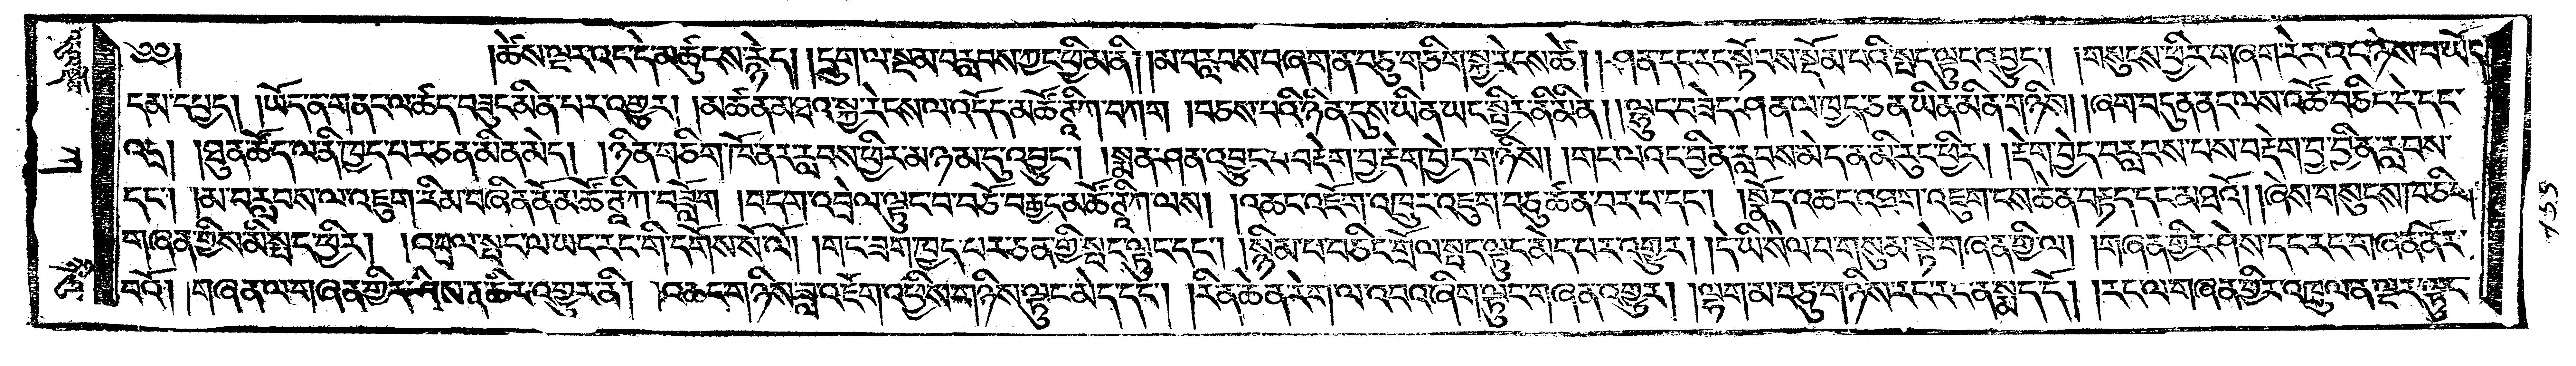༄༅། །ཚེས་ལྔར་འང་དེ་མཚུངས་རྙེད། །དྲུག་ལ་སྔམ་བརླབས་ཀྱང་ཕྱི་མ་ནི། །མ་བརླབས་བཞག་ན་བཅུ་གཅིག་སྐྱ་རེངས་ཚེ། །ཤན་དང་རང་སྟོབས་སྡོམ་པའི་སྤང་ལྟུང་འབྱུང་། །གསུངས་ཕྱིར་གཞག་རེར་འང་ཉེས་པ་ཡོད་
དམ་དཔྱད། །ཡོད་ན་གནང་ལ་ཚད་བཟུང་མིན་པར་འགྱུར། །མཚན་མཐའ་སྐྱ་རེངས་ལ་འདོད་མཚོ་ཊཱིཀ་བཀག །བཅས་པའི་ཉིན་དུས་ཡིན་ཡང་སྤྱིར་ནི་མིན། །ལྷུང་བཟེད་ཤན་ལ་ཁྱད་ཅན་ཡིན་མིན་གཉིས། །ཞག་བདུན་ནང་ལས་འཚོ་བཅིང་དེ་དང་
འདྲ། །ཐུན་ཚོད་ལ་ནི་ཁྱད་པར་ཅན་མིན་མེད། །ཉིན་གཅིག་ཁོ་ནར་རླབས་ཕྱིར་མཉམ་དུ་འབྱུང་། །སྨན་ཤན་འབྱུང་བ་བརྡེག་བྱ་རྡེག་བྱེད་གཉིས། །གང་ལའང་བྱིན་རླབས་མེད་ན་མི་རུང་ཕྱིར། །རྡེག་བྱེད་བརླབས་པས་བརྡེག་བྱ་བྱིན་རླབས་
དང་། །མ་བརླབས་ལ་འཇུག་རིམ་བཞིན་ནོ་མཚོ་ཊཱིཀ་བཟློག། །བདག་འབྲེལ་ལྟུང་བ་བཅོ་བརྒྱད་མཚོ་ཊཱིཀ་ལས། །འཆང་འཇོག་འཁྲུར་འཇུག་བཅུ་ཚན་བར་པ་དང་། །སྣོད་འཆང་འཐག་འཇུག་ངས་ཆེན་བརྟད་དང་མཐའོ། །ཞེས་གསུངས་ཁ་ཅིག་
གཞན་གྱིས་མི་སྤང་ཕྱིར། །འབྲལ་སྤང་ལ་ཡང་རང་གི་དགོས་སོ་ལོ། །གང་ཟག་ཁྱད་པར་ཅན་གྱི་སྤང་ལྟུང་དང་། །སྙིམ་པ་བཅིང་གྲོལ་སྤང་ལྟུང་མེད་པར་འགྱུར། །དེ་ཡི་སེལ་བ་གསུམ་སྟེ་གཞན་གྱི་ལ། །གཞན་གྱིར་ཤེས་དང་རང་གཞན་ནོར་
བའོ། །གཞན་ལ་གཞན་གྱིར་ཤེས་ན་ཅིར་འགྱུར་ནི། །འཆང་གཉིས་ཟླ་འཇོག་འཕྱིས་གཉིས་ལྟུང་མེད་དང་། །རིན་ཆེན་རེག་ལ་འབའ་ཞིག་ལྟུང་གཞན་འགྱུར། །ལྷག་མ་བཅུ་གཉིས་རང་རང་ན་སྨད་དོ། །རང་ལ་གཞན་གྱི་འཁྲུལ་ན་ལྡར་ལྟུང་